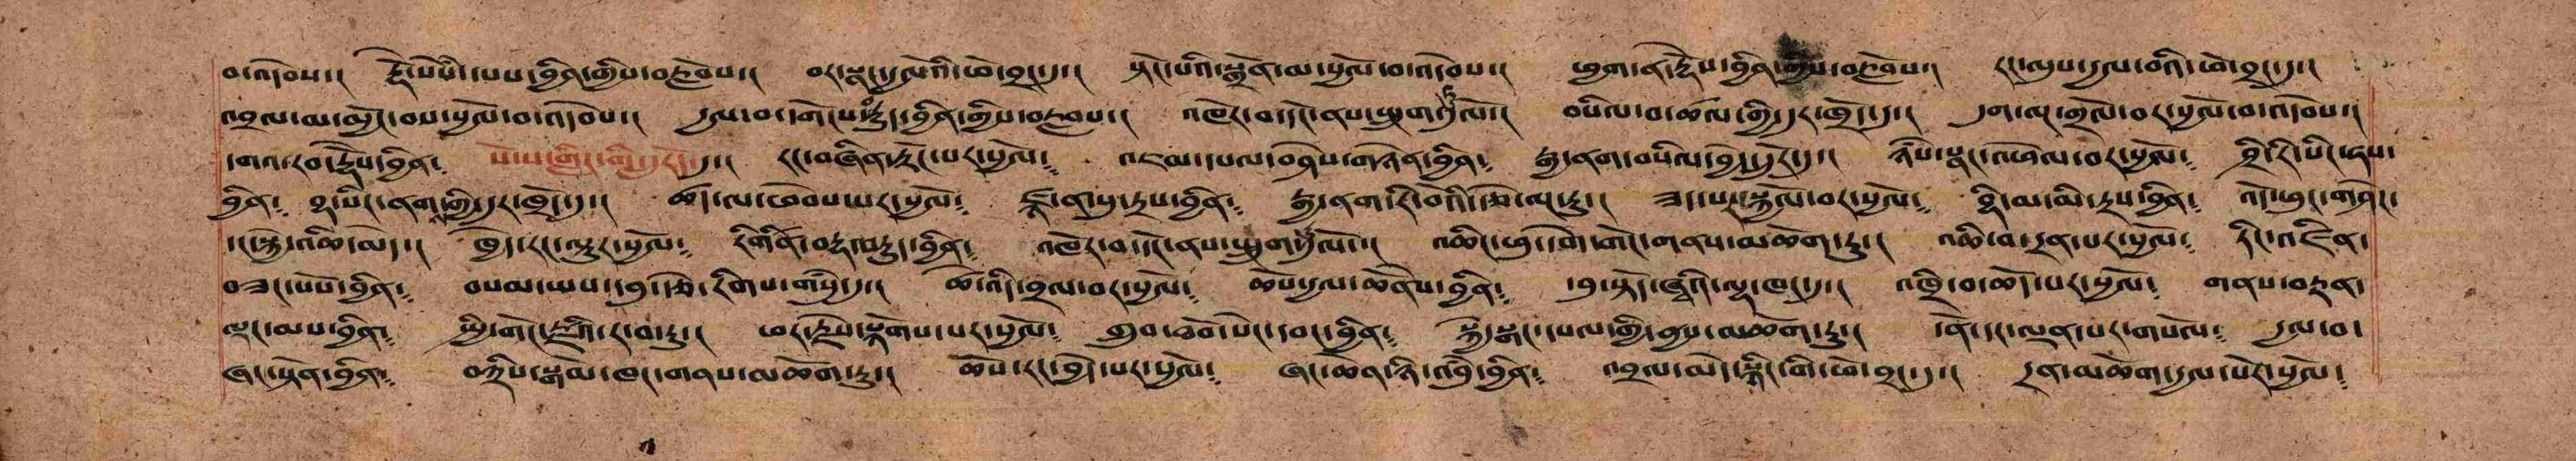བ་འདེབས། རྡོ་རྗེ་སེམས་པས་བྱིན་གྱིས་བརློབས། བར་སྣང་རྒྱལ་པོའི་ཕོ་བྲང་དུ། སྟོང་པའི་སྒྲོན་མ་གསོལ་བ་འདེབས། ཕྱག་ན་རྡོ་རྗེས་བྱིན་གྱིས་བརློབས། རང་ལུས་རྒྱལ་བའི་ཕོ་བྲང་དུ། 
འབྲལ་མ་མྱོང་བས་གསོལ་བ་འདེབས། རྒྱལ་བ་དགོངས་བརྒྱུད་བྱིན་གྱིས་བརླབས། འཁོར་བ་དོང་ནས་སྤྲུག་དུ་གསོལ། བསིལ་བ་ཚལ་གྱི་དུར་ཁྲོད་དུ། དུག་ལྔ་གྲོལ་བར་གསོལ་བ་འདེབས། 
དགའ་རབ་རྡོ་རྗེས་བྱིན་གྱིས་བརློབས། སོ་པ་གླིང་གི་དུར་ཁྲོད་དུ། རང་བཞིན་རྟོགས་པར་གསོལ་བ་འདེབས། འཇལ་དཔལ་བཤེས་གཉེན་བྱིན་གྱིས་བརློབས། རྒྱ་ནག་བསིལ་བྱེད་དུར་ཁྲོད་དུ། ཉམས་སྣང་འཕེལ་བར་གསོལ་བ་འདེབས། ཤྲི་རི་སིང་ཧས་
བྱིན་གྱིས་བརློབས། བྷ་སིང་ནགས་གྱི་དུར་ཁྲོད་དུ། ཚད་ལ་ཕེབས་པར་གསོལ་བ་འདེབས། ཛྙ་ན་སུ་ཏྲས་བྱིན་གྱིས་བརློབས། རྒྱ་ནག་རི་བོའི་རྩེ་ལྔ་རུ། ཟད་སར་སྐྱོལ་བར་གསོལ་བ་འདེབས། བྷི་མ་མི་ཏྲས་བྱིན་གྱིས་བརློབས། འོད་ཕུང་གཤེགས་
དང་སྐྱེ་འཆི་མེད། ཁྱེད་རང་ལྟ་བུར་གསོལ་བ་འདེབས། རིག་འཛིན་བརྡའ་བདྱུད་བྱིན་གྱིས་བརློབས། འཁོར་བ་དོང་ནས་སྤྲུག་དུ་གསོལ། འཆིང་ཕུ་དགེ་གོང་གནས་མཆོག་ཏུ། འཆི་བ་དྲན་པར་གསོལ་བ་འདེབས། ཏིང་འཛིན་
བཟང་པོས་བྱིན་གྱིས་བརློབས། བསམ་ཡས་དབུ་རྩེ་རིགས་གསུམ་དུ། ཚེ་འདི་བྲལ་བར་གསོལ་བ་འདེབས། ཆོས་རྒྱལ་ཆེན་པོས་བྱིན་གྱིས་བརློབས། དབུ་སྟོད་ཞྭའི་ལྷ་ཁང་དུ། འཁྲི་བ་ཆོད་པར་གསོལ་བ་འདེབས། གནས་བརྟན་
ལྡང་མས་བྱིན་གྱིས་རློབས།། སྤྱི་གོང་རྫའི་ར་བ་རུ། ཕར་རྗེས་སྙོགས་པར་གསོལ་བ་འདེབས། གྲུབ་ཐོབ་སེང་དབང་བྱིན་གྱིས་བརློབས། སྐྱོ་སྒང་དཔལ་གྱི་གནས་མཆོག་ཏུ། དོན་དང་ལྡན་པར་གསོལ་བ་འདེབས། རྒྱལ་བ་
ཞང་སྟོན་བྱིན་གྱིས་བརློབས། བཀྲ་ཤིས་སྒོམ་ཁང་གནས་མཆོག་ཏུ། ཆོས་རང་བྱེད་པར་གསོལ་བ་འདེབས། ཞང་ཆེན་ཉི་འབུམ་བྱིན་གྱིས་བརློབས། འབྲལ་མེད་སྙིང་གི་ཕོ་བྲང་དུ། དྲན་མཆོག་རྒྱལ་པོར་གསོལ་བ་འདེབས།